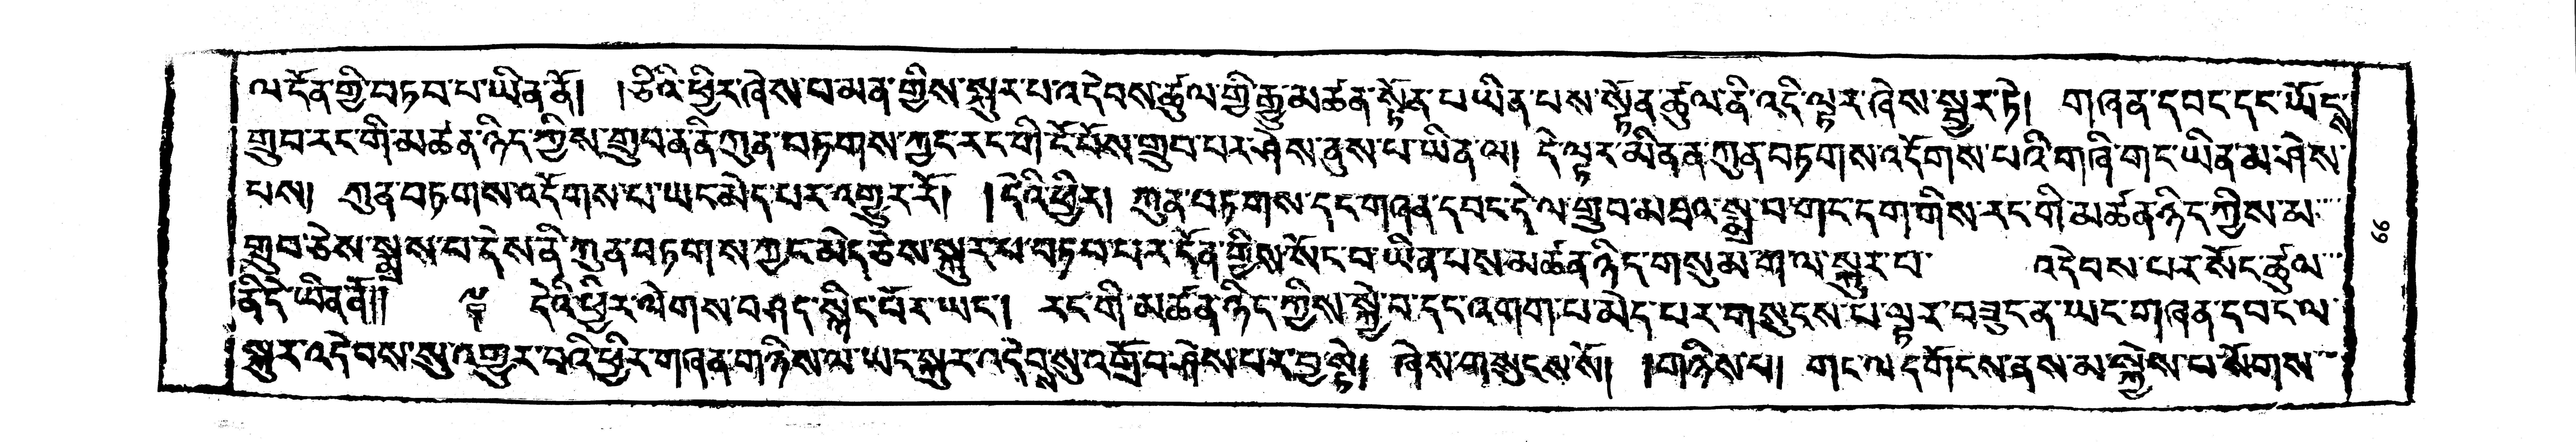ལ་དོན་གྱི་བཏབ་པ་ཡིན་ནོ། །ཅིའི་ཕྱིར་ཞེས་པ་མན་གྱིས་སྐུར་པ་འདེབས་ཚུལ་གྱི་རྒྱུ་མཚན་སྟོན་པ་ཡིན་པས་སྟོན་ཚུལ་ནི་འདི་ལྟར་ཞེས་སྦྱར་ཏེ། གཞན་དབང་དང་ཡོངས་
གྲུབ་རང་གི་མཚན་ཉིད་ཀྱིས་གྲུབ་ན་ནི་ཀུན་བཏགས་ཀྱང་རང་གི་ངོ་བོས་གྲུབ་པར་ཤེས་ནུས་པ་ཡིན་ལ། དེ་ལྟར་མིན་ན་ཀུན་བཏགས་འདོགས་པའི་གཞི་གང་ཡིན་མ་ཤེས་
པས། ཀུན་བཏགས་འདོགས་པ་ཡང་མེད་པར་འགྱུར་རོ། །དེའི་ཕྱིར། ཀུན་བཏགས་དང་གཞན་དབང་དེ་ལ་གྲུབ་མཐའ་སྨྲ་བ་གང་དག་གིས་རང་གི་མཚན་ཉིད་ཀྱིས་མ་
གྲུབ་ཅེས་སྨྲས་པ་དེས་ནི་ཀུན་བཏགས་ཀྱང་མེད་ཅེས་སྐུར་པ་བཏབ་པར་དོན་གྱིས་སོང་བ་ཡིན་པས་མཚན་ཉིད་གསུམ་ག་ལ་སྐུར་པ་འདེབས་པར་སོང་ཚུལ་
ནི་དེ་ཡིན་ནོ།། ༈ དེའི་ཕྱིར་ལེགས་བཤད་སྙིང་པོར་ཡང་། རང་གི་མཚན་ཉིད་ཀྱིས་སྐྱེ་བ་དང་འགག་པ་མེད་པར་གསུངས་པ་ལྟར་བཟུང་ན་ཡང་གཞན་དབང་ལ་
སྐུར་འདེབས་སུ་འགྱུར་པའི་ཕྱིར་གཞན་གཉིས་ལ་ཡང་སྐུར་འདེབས་སུ་འགྲོ་བ་ཤེས་པར་བྱ་སྟེ། ཞེས་གསུངས་སོ། །གཉིས་པ། གང་ལ་དགོངས་ནས་མ་སྐྱེས་པ་སོགས་